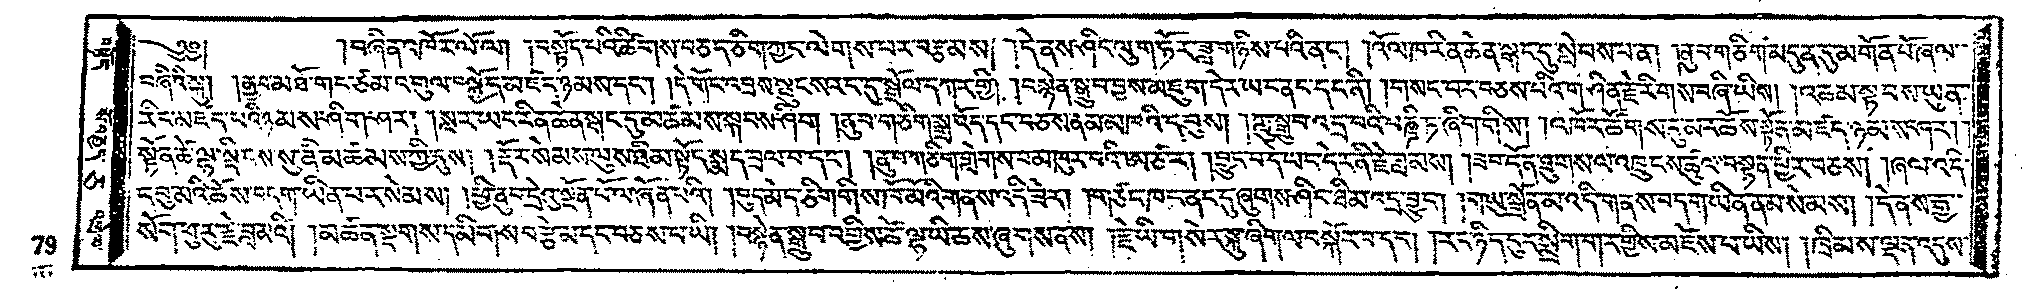༄༅། །བཞིན་འཁོར་ལོ་ལ། །བསྟོད་པའི་ཚིགས་བཅད་ཅིག་ཀྱང་ལེགས་པར་བརྩམས། །དེ་ནས་ཤིང་ལུག་ཧོར་ཟླ་གཉིས་པའི་ནང་། །འོལ་ཁ་རིན་ཆེན་སྒང་དུ་སླེབས་པ་ན། །ནུབ་གཅིག་མདུན་དུ་མགོན་པོ་ཞལ་
བཞིའི་སྐུ། །རྒྱབ་མཐོ་གང་ཙམ་འགུལ་བསྐྱོད་མཛད་ཉམས་དང་། །དེ་གོང་འབྲས་སྤུངས་རང་དུ་སྒྲོལ་དཀར་གྱི། །བསྙེན་སྒྲུབ་བྱས་མཇུག་དེར་ཡང་ནང་དང་ནི། །གསང་བར་བཅས་པའི་གཤིན་རྗེ་རིགས་བཞི་ཡིས། །འཆམ་སྟབས་ཡུན་
རིང་མཛད་པའི་ཉམས་ཤིག་ཤར། །སླར་ཡང་རིན་ཆེན་སྒང་དུ་མཚམས་སྐབས་ཤིག །ནུབ་གཅིག་སྒྲ་འོད་དང་བཅས་ནམ་མཁའི་དབུས། །ཀླུ་སྒྲུབ་འདྲ་བའི་པཎྜི་ཏ་ཞིག་གིས། །འཁོར་ཚོགས་དུ་མར་ཆོས་སྟོན་མཛད་ཉམས་ཤར། །
སྟོན་ཚེ་ལྷ་སྡིངས་སུ་ནི་མཚམས་ཀྱི་དུས། །རྡོར་སེམས་ལུས་ཐིམ་སྟོད་སྨད་བྲལ་བ་དང་། །ནུབ་གཅིག་གླེགས་བམ་ཁུར་བའི་ཨ་ཙ་ར། །བྱུང་བ་དེ་ཡང་དེར་ནི་རྗེ་བླ་མས། །ཟབ་དོན་ཐུགས་ལ་འཁྲུངས་ཚུལ་བསྟན་ཕྱིར་བཅས། །ཞལ་འདི་
དབུ་མའི་ཆོས་བདག་ཡིན་པར་སེམས། །ཕྱི་ནུབ་དྲེའུ་སྔོན་པོ་ལ་ཞོན་པའི། །བུད་མེད་ཅིག་གིས་ཁོ་མོའི་གནས་འདི་ཟེར། །གཙང་ཁང་ནང་དུ་ཞུགས་ཤིང་ཚིམ་འདྲ་བྱུང་། །གཡུ་སྒྲོན་མ་འདི་གནས་བདག་ཡིན་ནམ་སེམས། །དེ་ནས་རྒྱ་
སོག་ཕུ་རུ་རྗེ་བླ་མའི། །མཚན་སྔགས་དམིགས་བརྩེ་མ་དང་བཅས་པ་ཡི། །བསྙེན་སྒྲུབ་བགྱིས་ཚེ་ལྷ་ཡི་ཆས་ཞུགས་ནས། །རྗེ་ཡི་གསེར་སྐུ་ཞིག་ལ་བསྐོར་བ་དང་། །རང་ཉིད་ངུར་སྨྲིག་གར་གྱིས་མཛེས་པ་ཡིས། །ཁྲིམས་ལྡན་འདུས་